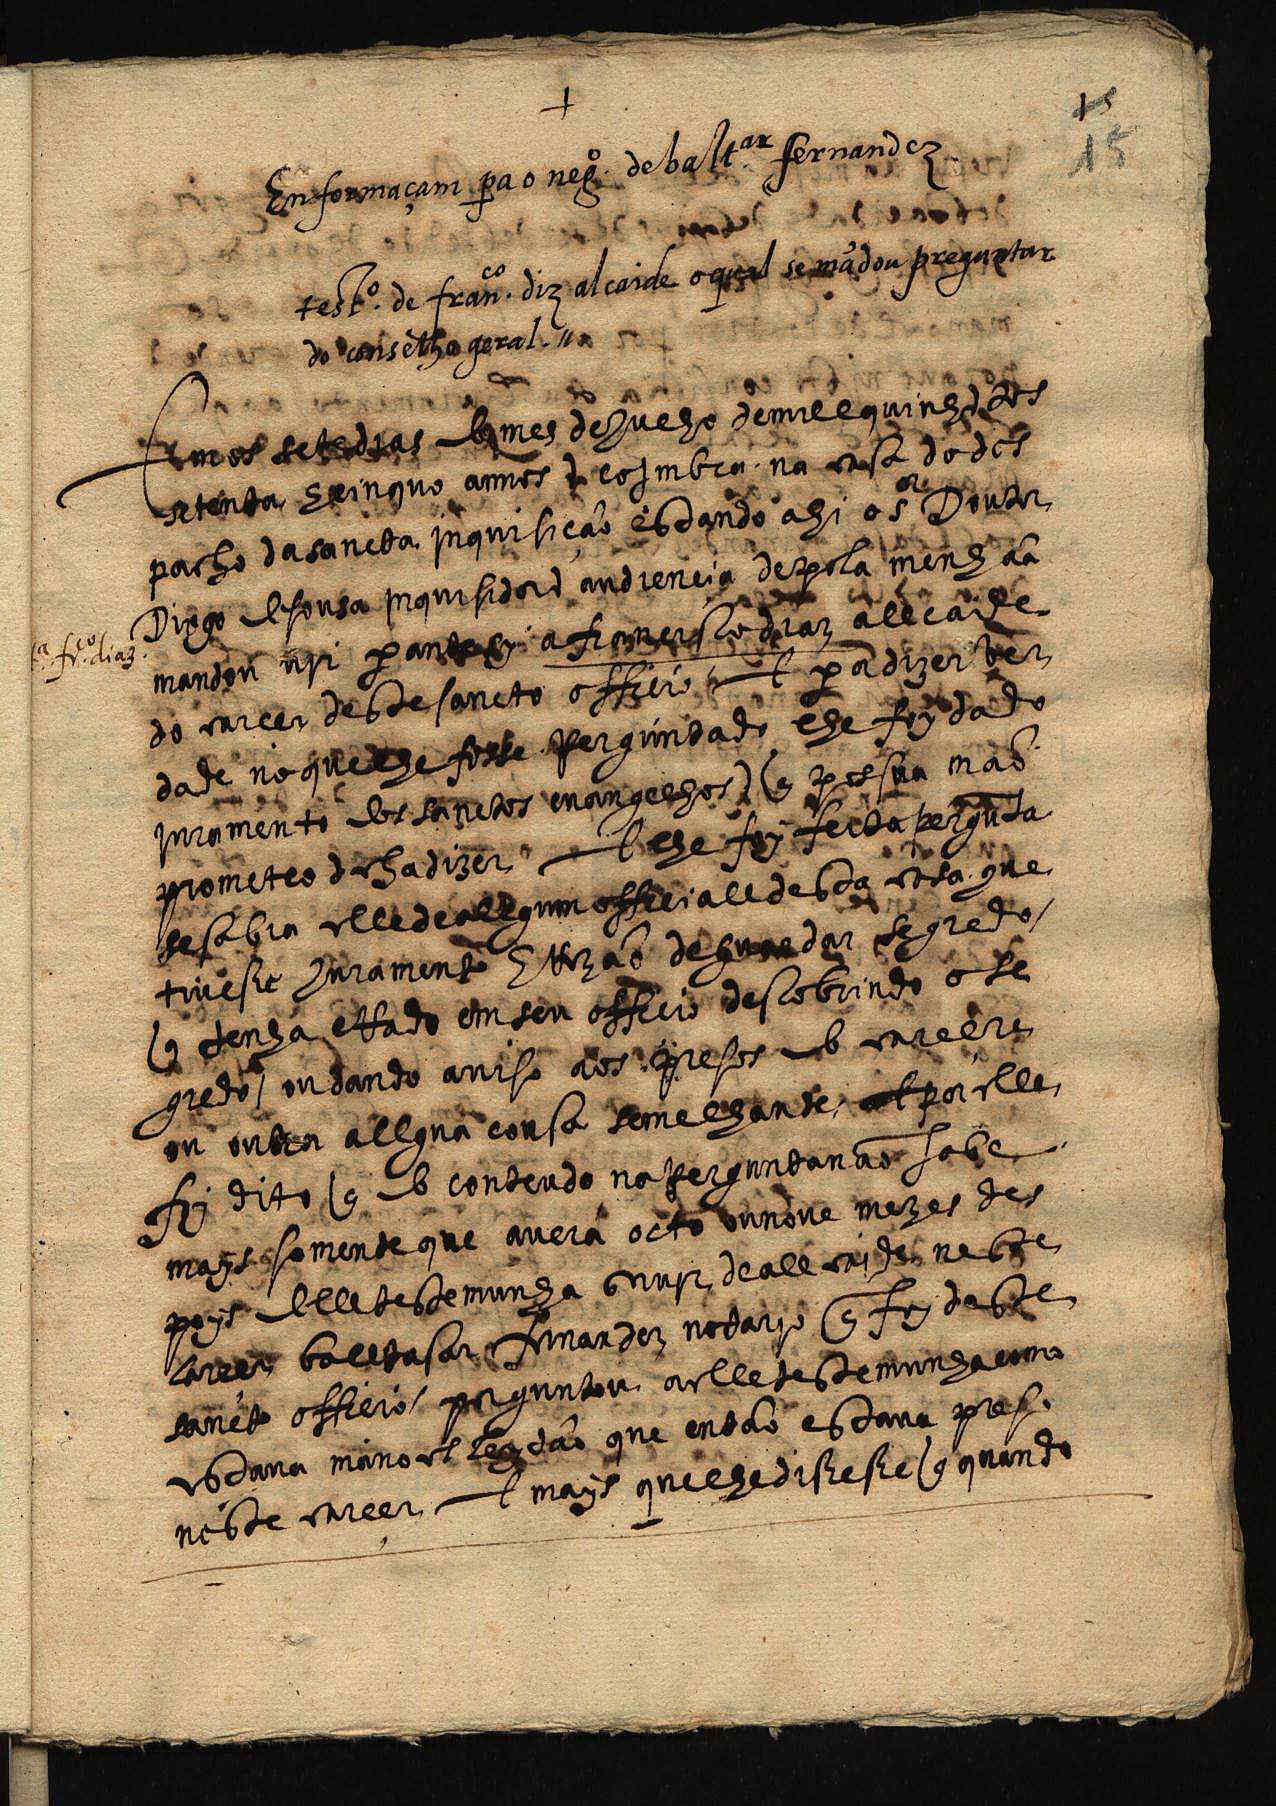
Enformaçam ꝑa o nego. de balt.ar fernandez
testo. de fran.co diz alcaide o qual se mādou preguntar
do conselho geral. //
Em os sete dias do mes de Julho de mill e quinhētos
setenta E cinquo annos ē coJmbra na casa do des
pacho da sancta jnquisiçaõ estando ahi o sor Doutor
Diogo de sousa jnquisidor ē audiencia de pola menhaã
mandou ujr ꝑante sy a francisco diaz allcaide
ta. fr.co diaz
do carcer deste sancto officio E ꝑa dizer ver
dade no que lhe fosse perguntado lhe foy dado
juramento dos sanctos euangelhos ē q̄ pos sua maõ
prometeo de ha dizer E lhe foy feita pergūta
se sabia elle de allgum officiall desta casa que
tiuesse Juramento E Rezaõ de guardar segredo /
q̄ tenha eRado em seu officio descobrindo o se
gredo / ou dando auiso aos presos do carcere
ou outra allgua cousa semelhante, E por elle,
foy dito q̄ do conteudo na pergunta não sabe
mays somente que auera oito ou noue mezes des
poys delle testemunha serujr de allcajde neste
carcer balltasar fernandez notarjo q̄ foj deste
sancto officio / perguntou a elle testemunha como
estaua manoel leytão que então estaua preso
neste carcer E mays que lhe dissesse q̄ quando
